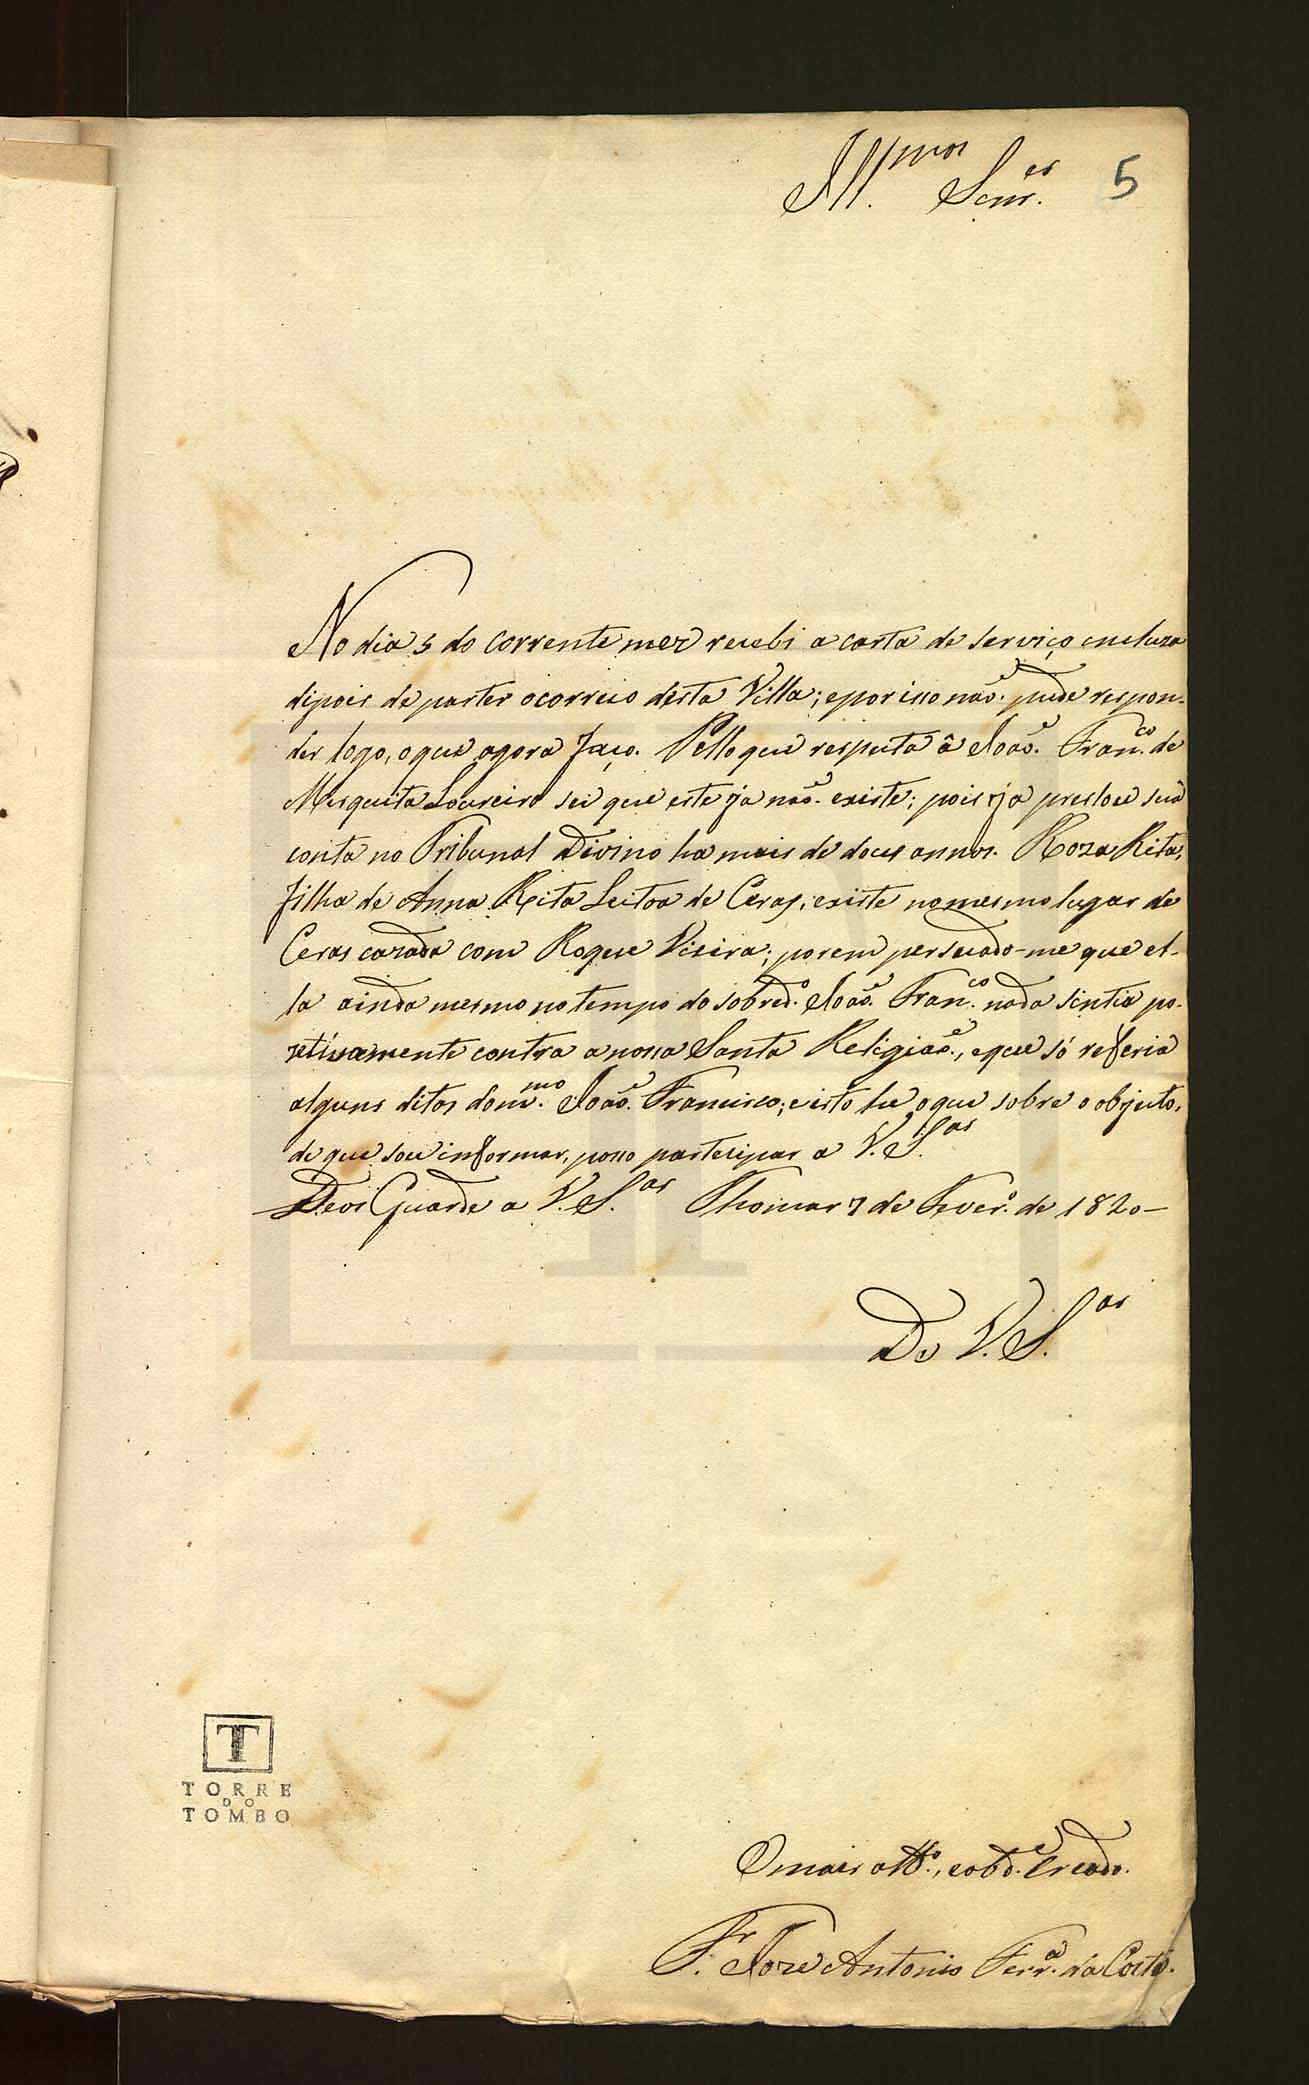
Ill.mos Senr.es
No dia 5 do corrente mez recebi a carta de serviço incluza
dipois de parter o correio desta Villa; e por isso naõ pude respon
der logo, o que agora faço. Pello que respeita a Ioaõ. Fran.co de
Mesquita Loureiro sei que este ja naõ existe; pois ja prestou sua
conta no Tribunal Divino ha mais de dous annos. Roza Rita,
filha de Anna Rita Leitoa de Ceras, existe no mesmo lugar de
Ceras cazada com Roque Vieira; porem persuado-me que el
la ainda mesmo no tempo do sobred.o e Ioaõ Fran.co nada sintia po
zetivamente contra a nossa Santa Religiaõ, e que só referia
alguns ditos do m.mo Ioaõ Francisco; e isto he, o que sobre o objecto,
de que sou informar, posso partecipar a V. S.as
Deos Guarde a V. S.as
Thomar 7 de Fever.o de 1820
Do V.S.as
O mais att.o, e obd.e creado.
F.r Ioze Antonio Ferr.a da Costa
